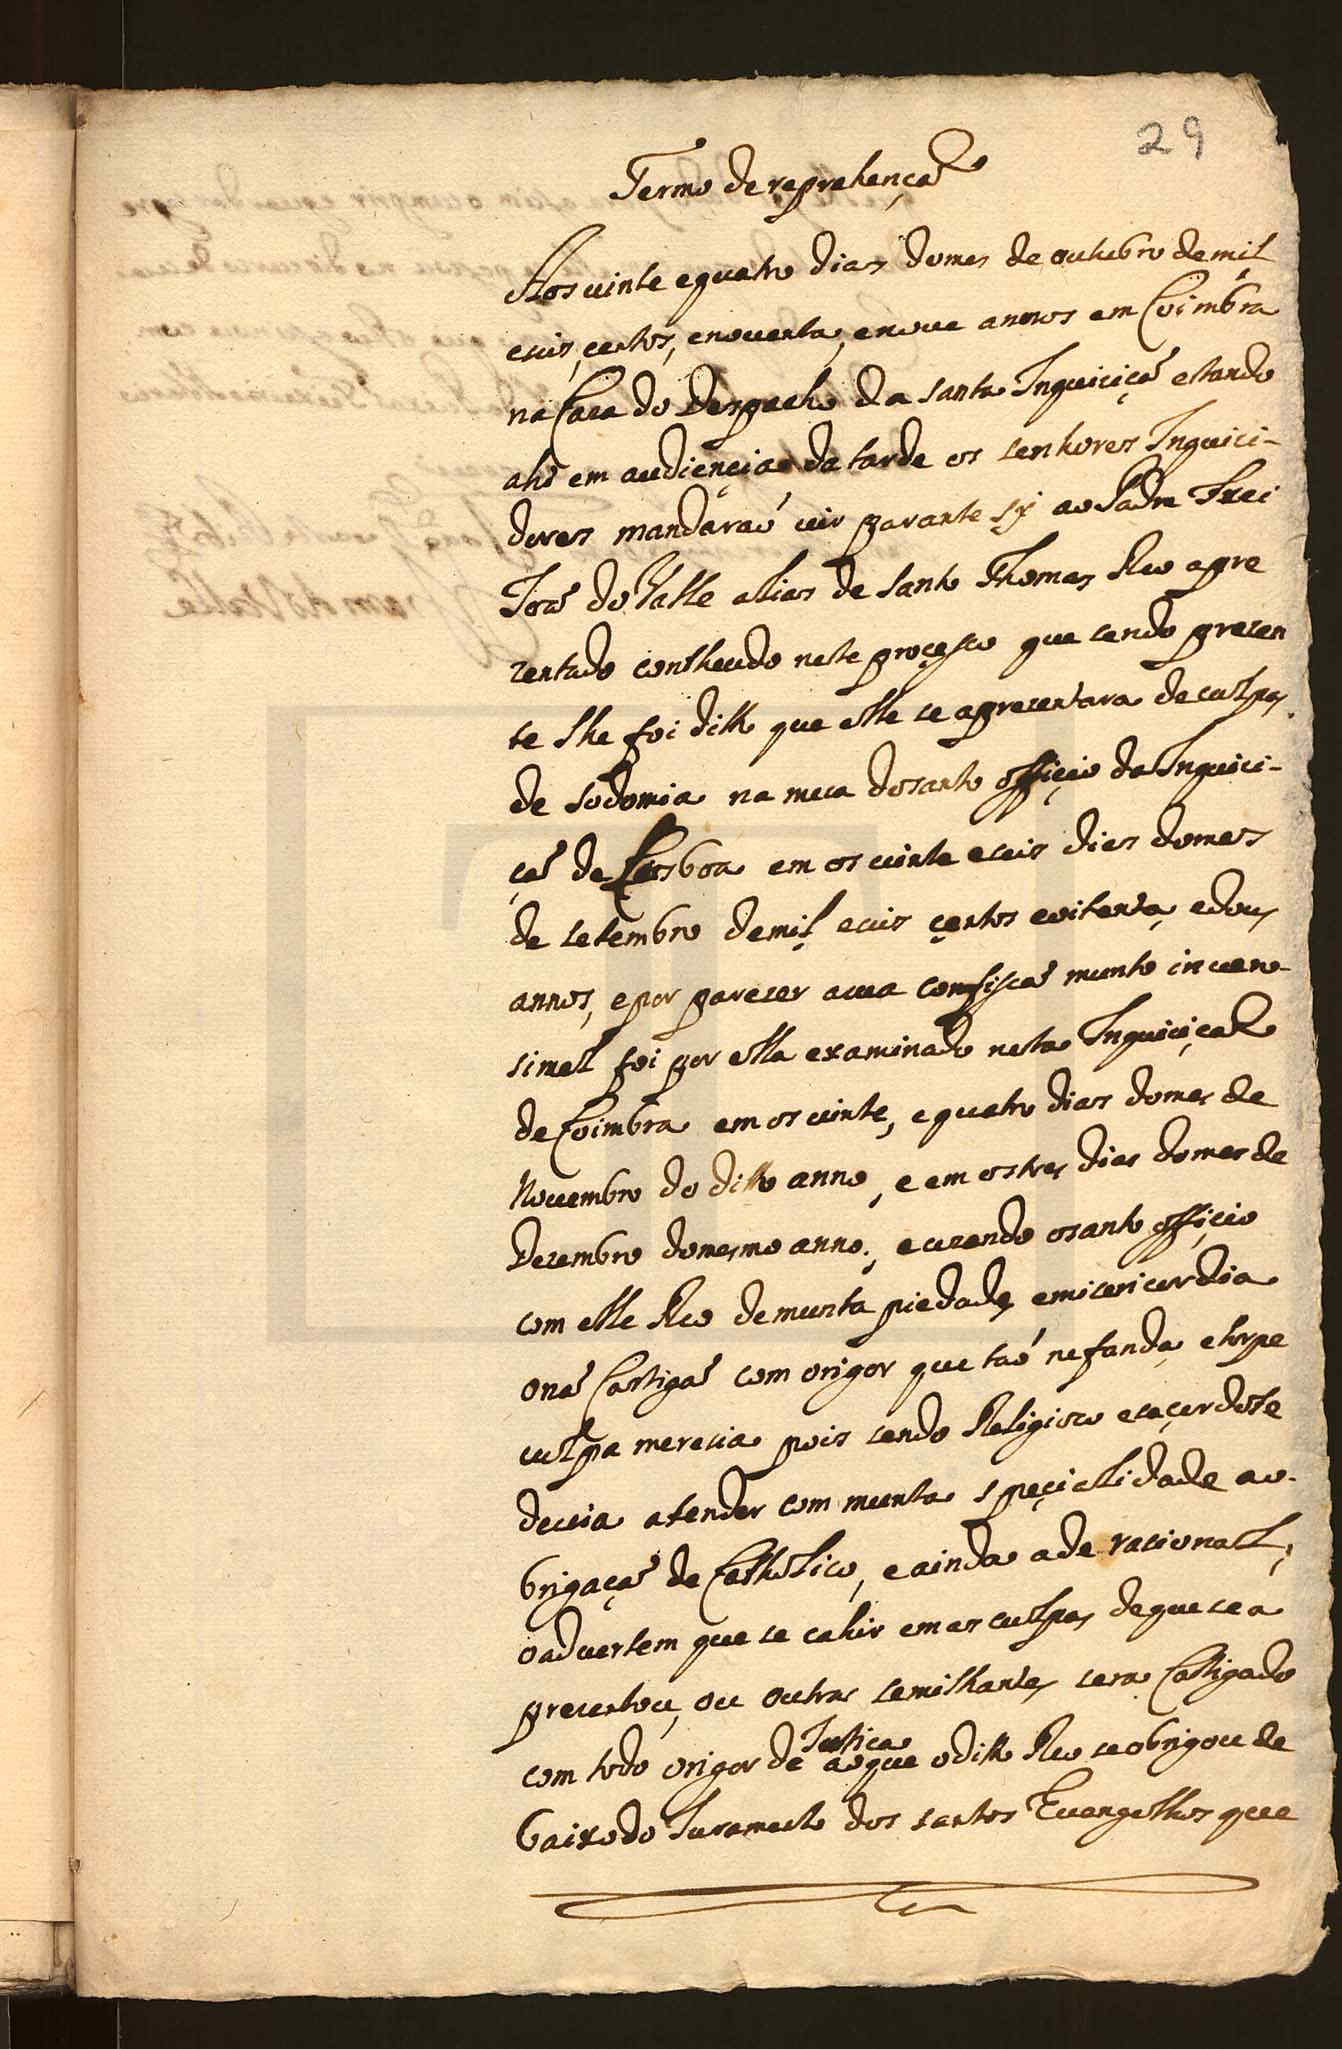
Termo de reprehençaõ
Aos uinte e quatro dias do mes de outubro de mil
e seiscentos, e nouenta, e noue annos em Coimbra
na Caza do Despacho da santa Inquiziçaõ estando
ahi em audiencia da tarde os senhores Inquizi
dores mandaraõ uir parante sy ao Padre Frei
Ioaõ do Valle alias de santo Thomas Reo apre
zentado contheudo neste processo que cendo prezen
te lhe foi ditto que elle se aprezentara de culpas
de sodomia na mesa do santo officio da Inquizi
çaõ de Lisboa em os uinte e ceis dias do mes
de setembro de mil e ceiscentos e oitenta, e dous
annos, e por parecer a sua confissaõ munto inuero
simel foi por ella examinado nesta Inquisiçaõ
de Coimbra em os uinte, e quatro dias do mes de
Nouembro do ditto anno, e em os tres dias do mes de
Dezembro do mesmo anno; e uzando o santo officio
com elle Reo de munta piedade, e misericordia
o naõ Castigaõ com o rigor que taõ nefanda, e torpe
culpa merecia pois sendo Religiozo e sacerdote
deuia atender com munta specialidade a o
brigaçaõ de Catholico, e ainda a de racionaL;
o aduertem que se cahir em as culpas de que ce a
prezentou, ou outras semilhantes sera Castigado
Iustiça
com todo o rigor de ao que o ditto Reo se obrigou de
baixo do Iuramento dos santos Euangelhos que
